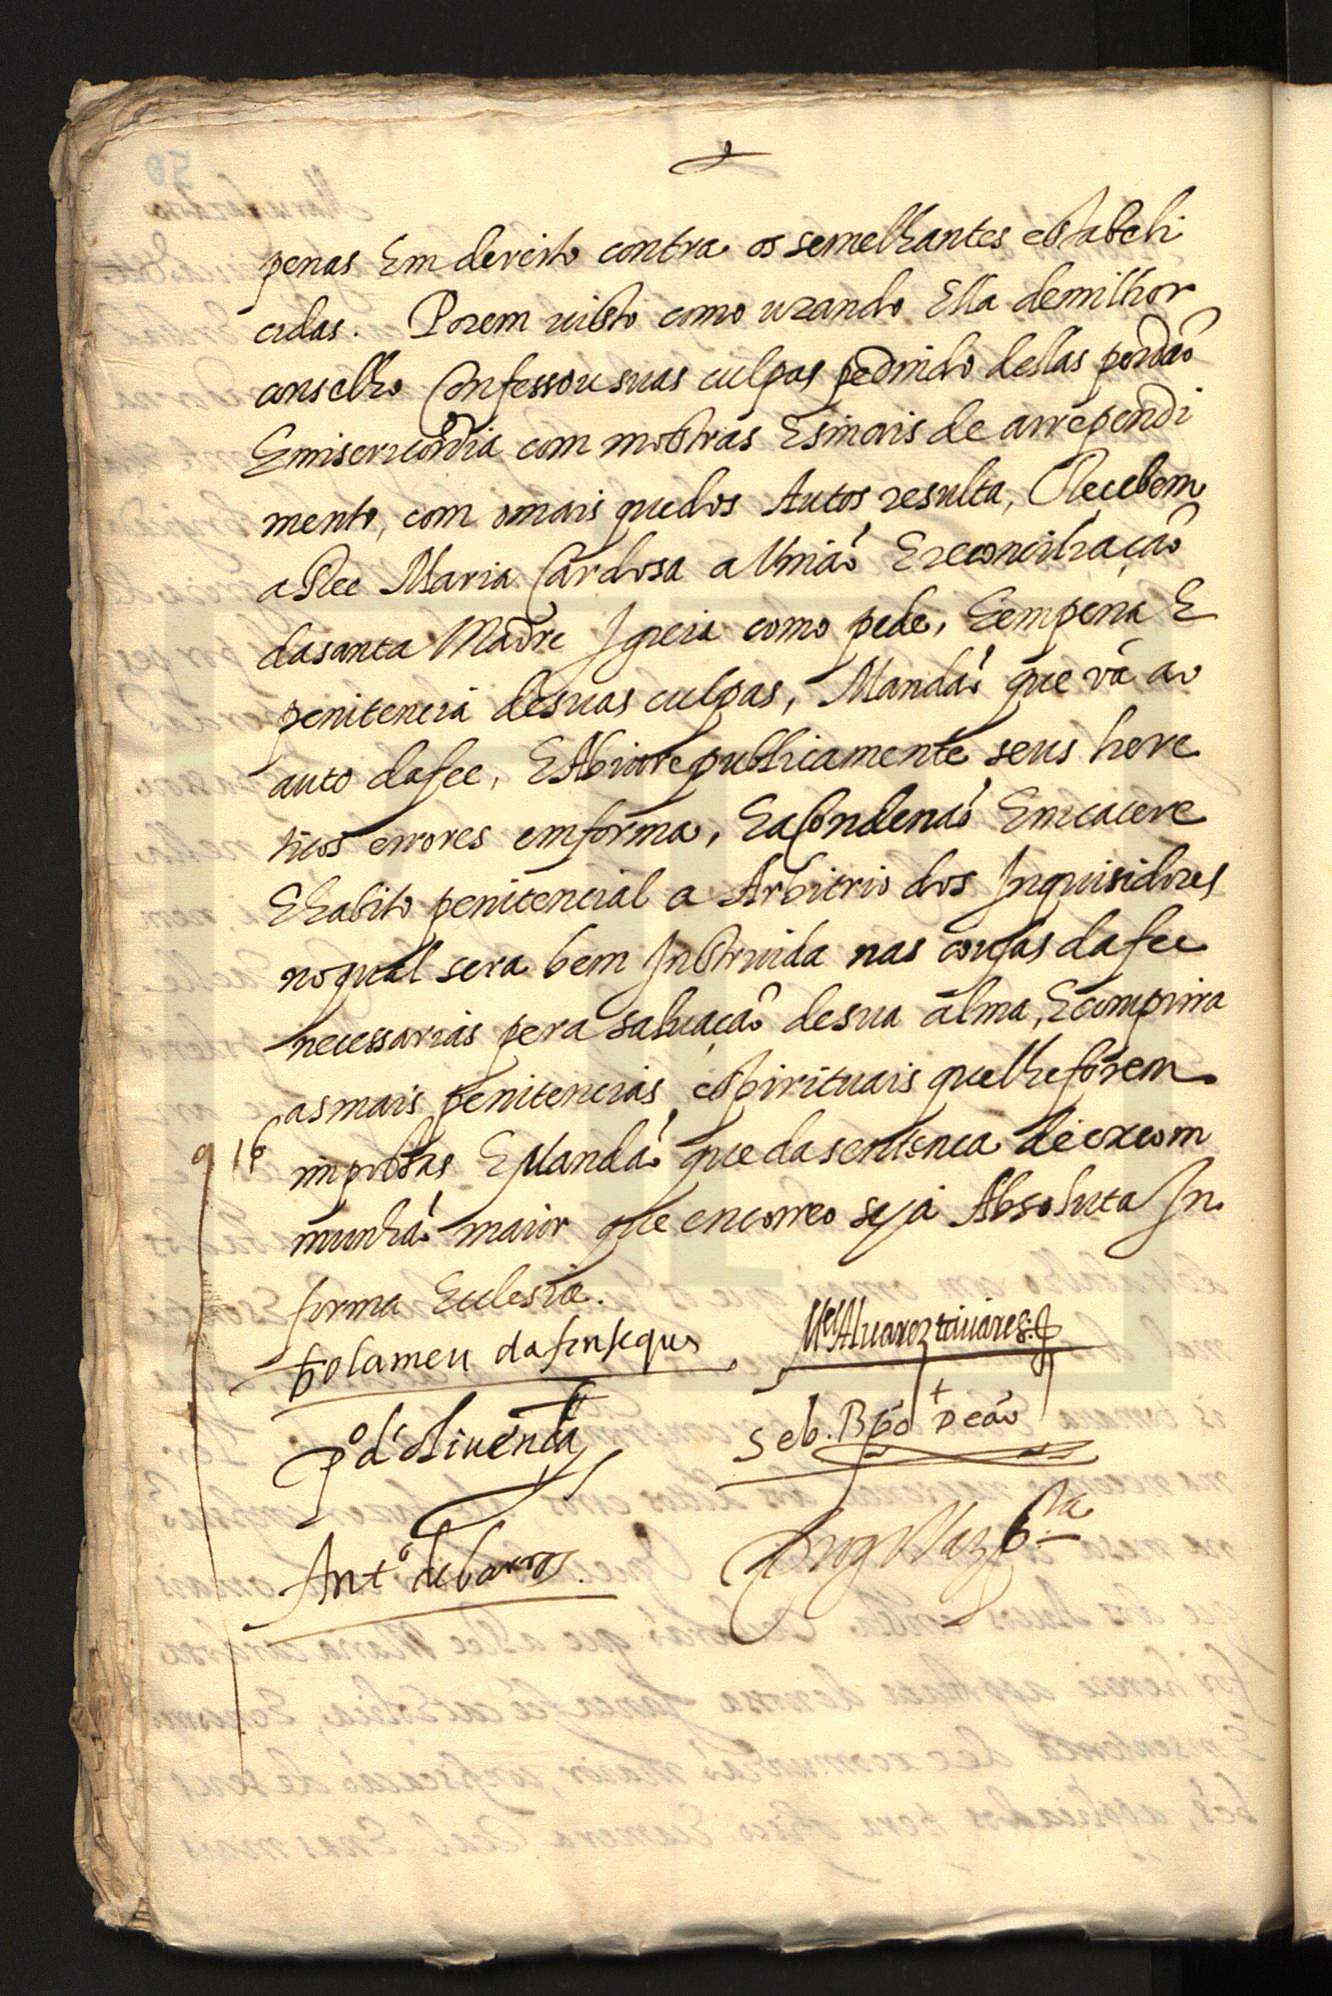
penas Em dereito contra os semelhantes estabeli
cidas. Porem uisto como uzando Ella de milhor
conselho Confessou suas culpas pedindo dellas perdaõ
E misericordia com mostras E sinais de arrependi
mento, com o mais que dos Autos resulta, Recebem
a Ree Maria Cardosa a Uniaõ E reconciliaçaõ
da santa Madre Jgreia como pede, E em pena E
penitencia de suas culpas, Mandaõ que vá ao
auto da fee, E Abiure publicamente seus here
ticos errores em forma, E a Condenaõ Em cacere
E habito penitencial a Arbitrio dos Jnquisidores
no qual sera bem Jnstruida nas cousas da fee
necessarias pera saluaçaõ de sua alma, E comprira
as mais penitencias espirituais que lhe forem
impostas E Mandaõ que da sentenca de excom
munhaõ maior que encorreo seja Absoluta Jn
forma Ecclesiæ.
